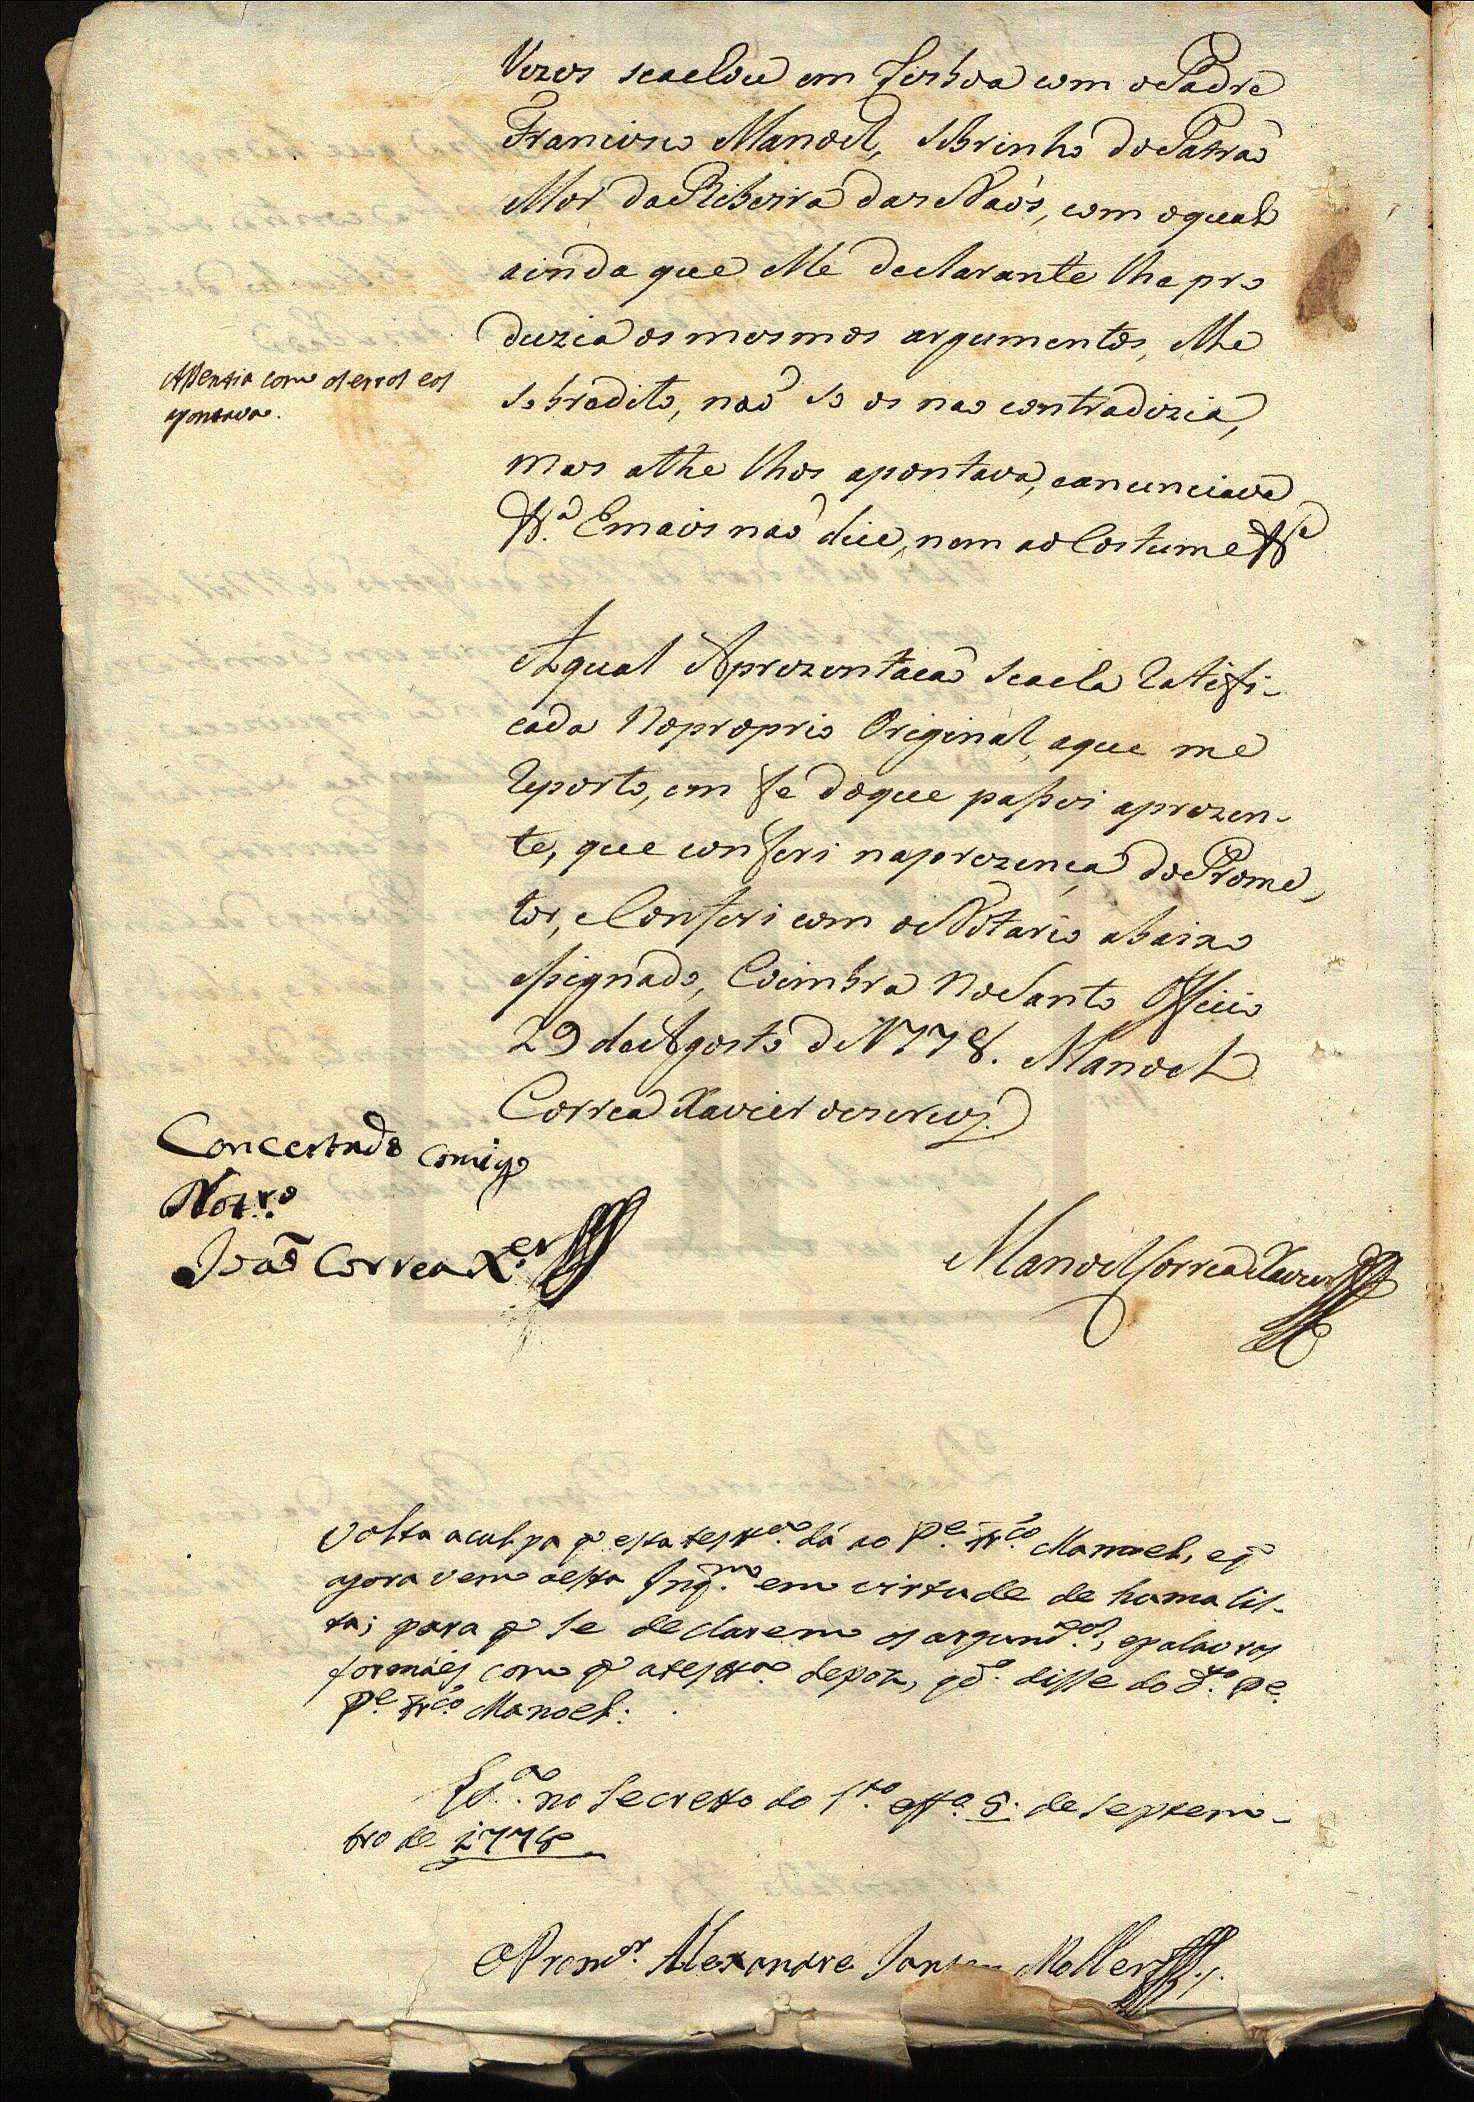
Vezes se achou em Lisboa com o Padre
Francisco Manoel, sobrinho do Patraõ
Mor da Ribeira das Naós, com o qual
ainda que elle declarante lhe pro
duzia os mesmos argumentos, e lhe
Assentia com os erros e os
apontava.
sobredito, naõ só os nao contradizia,
mas athe lhos apontava, e anunciava
&r.a E mais naõ dice, nem ao Costume &ra
A qual Aprezentaçaõ se acha Ratifi
cada No proprio Original, a que me
Reporto, em fe do que passei a prezen
te, que conferi na prezença do Prome
tor, e Conferi com o Notario abaixo
assignado, Coimbra no Santo Officio
29 de Agosto de 1778. Manoel
Correa Xavier o escrevj.
Concertado comigo
Notr.o
Ioaõ Correa X.er
Manoel Correa Xavier
Volta a culpa q̄ esta test.a dá ao P.e Fr.co Manuel, e q̄
agora vem a esta Jnq.m em virtude de huma lis
ta; para q̄ se declarem os argum.tos, e palavras
formáes com q̄ a testt.a depoz, qd.o disse do d.to P.e
p.e Fr.co Manoel:
Ls.a no secretto do s.to off.o 5. de septem
bro de 1778
O Prom.or Alexandre Ian
Moller
